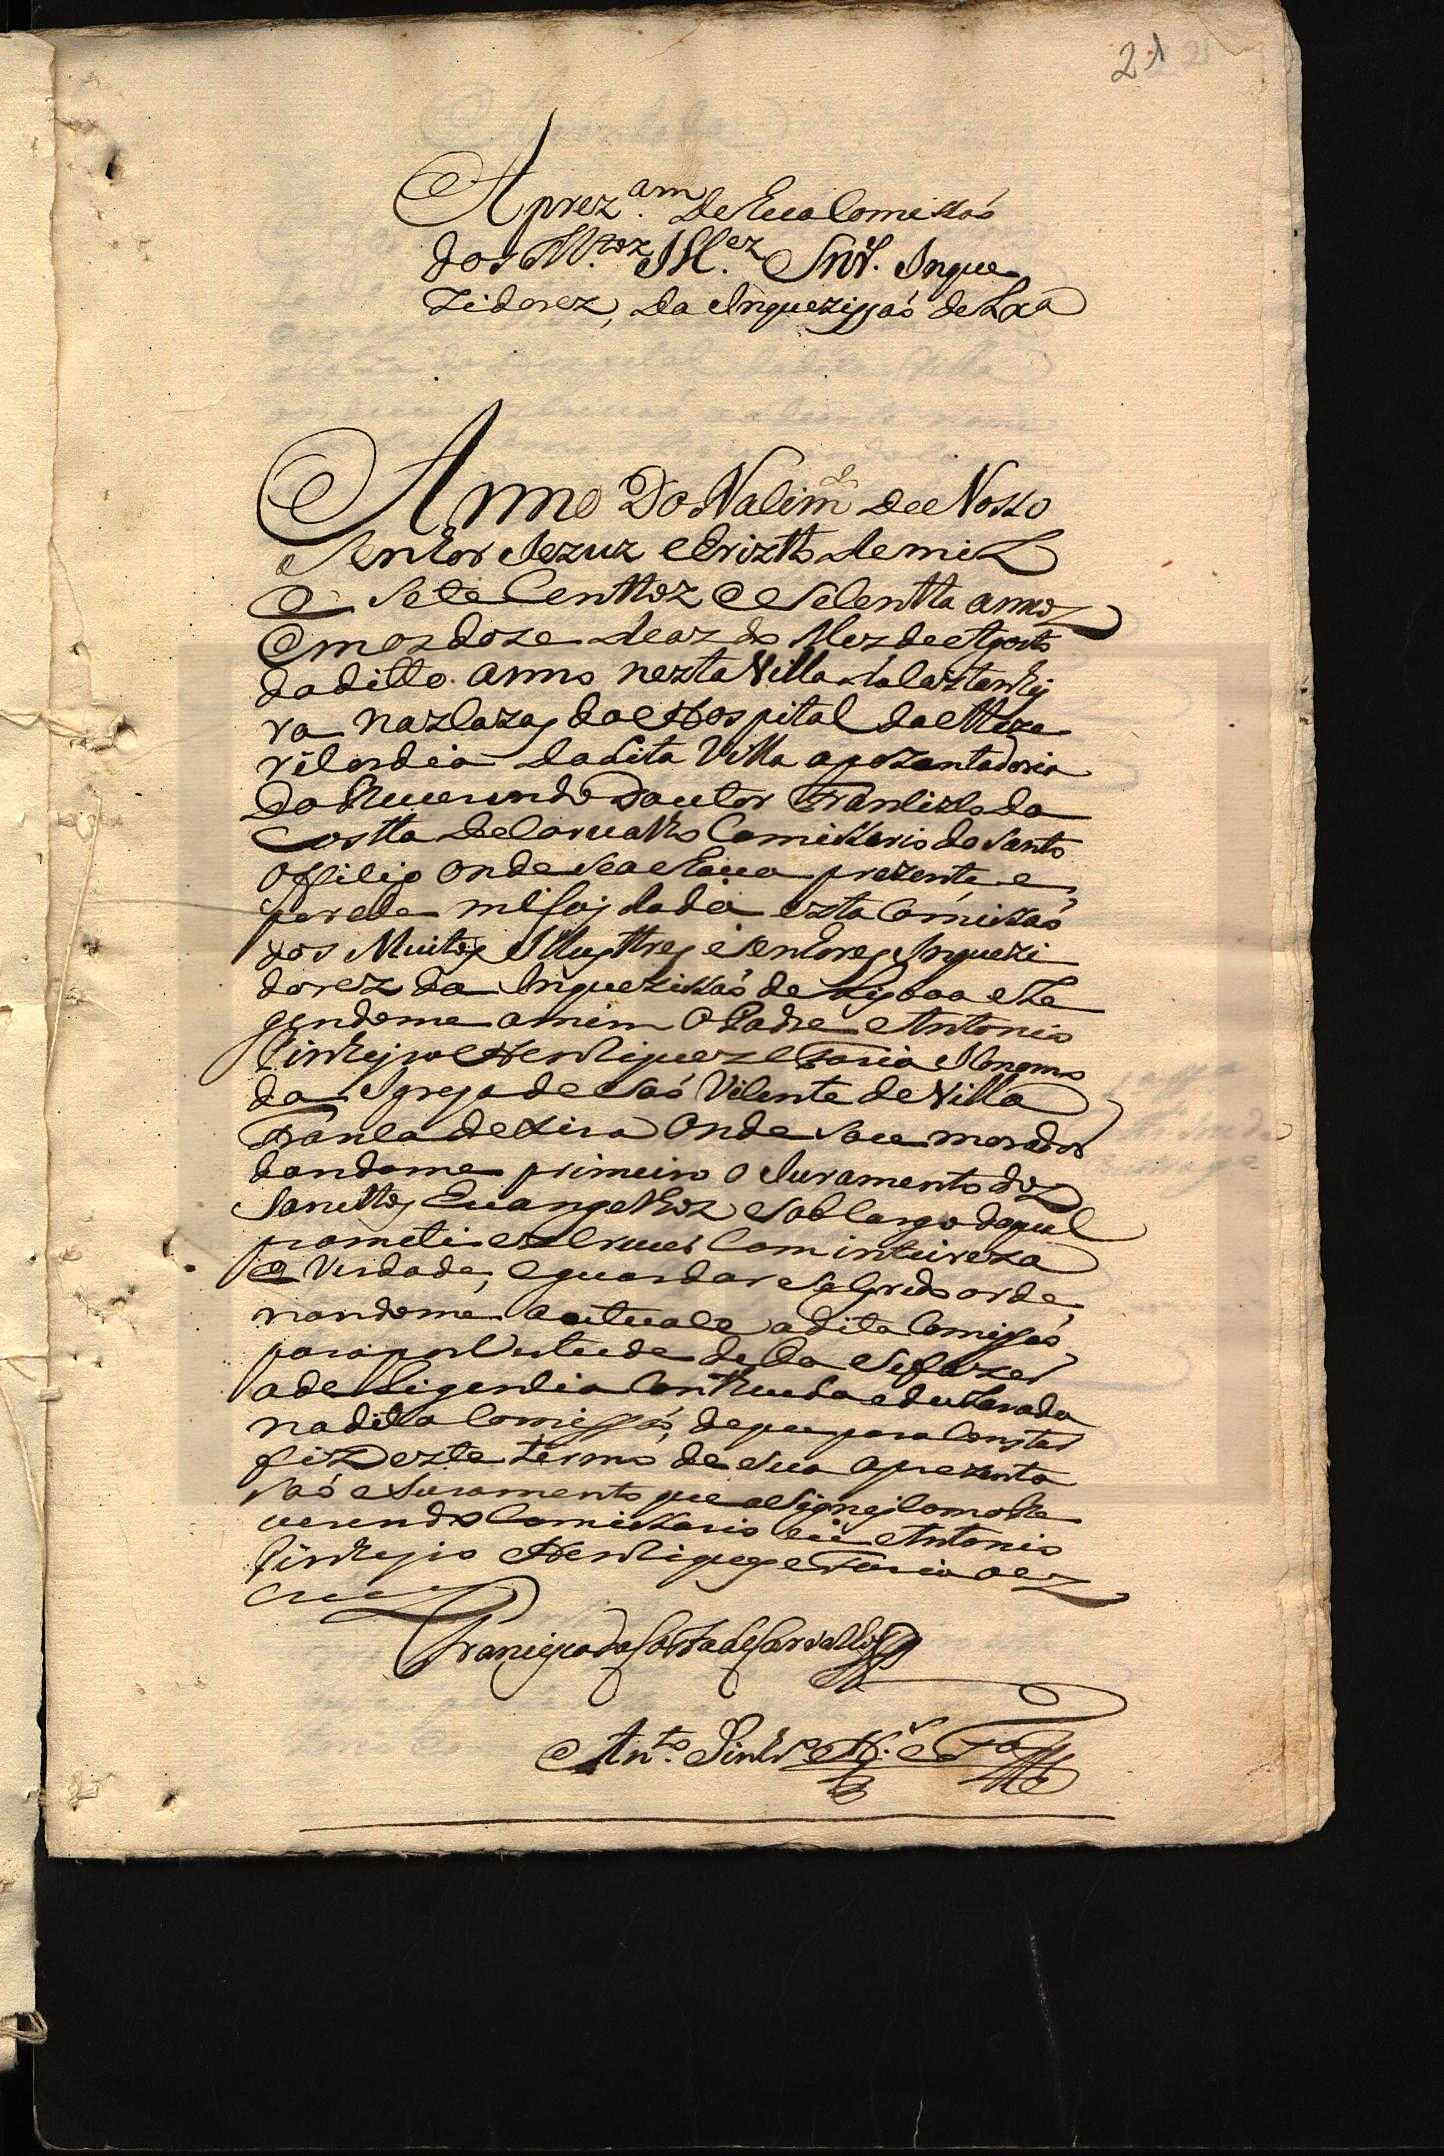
Aprez.am de hua Comissaõ
dos M.toz Ill.ez Snr.es Inque
zidorez, Da Inquezissaõ de Lxa
Anno Do Nacimto de Nosso
Senhor Iezuz chriztto de miL
e SeteCenttoz E Secentta annoz
em os doze deaz do Mez de Agosto
do ditto anno nezta Villa da Castanhej
ra naz cazas do Hospital da Meze
ricordia da dita Villa apozentadoria
Do Reuerendo Doutor Francizco da
Costta de Carvalho Comissario do santo
officio onde se achaua prezente, e
por elle me foj dada ezta Comissaõ
dos Muitos Illusttres Senhores Inquezi
dorez da Inquezissaõ de Lisboa ele
gendome a mim o Padre Antonio
Pinhejro Henriquez e Faria Iconomo
da Igreja de Saõ Vicente de Villa
Franca de Xira Onde sou morador
dandome primeiro o Iuramento doz
Sancttos Euangelhoz Sob cargo do qual
prometi ezcreuer Com inteireza
e Verdade, e guardar segredo orde
nandome autuace a dita Comissaõ,
para por Vertude della se fazer
a deligencia contheuda e declarada
na dita comissaõ, de que para constar
fiz ezte termo de sua aprezenta
saõ e Iuramento que asignej Com o Re
verendo Comissario eu Antonio
Pinhejro Henriques e Faria o ez
creuj
Francisco da Costa de Carvalho
